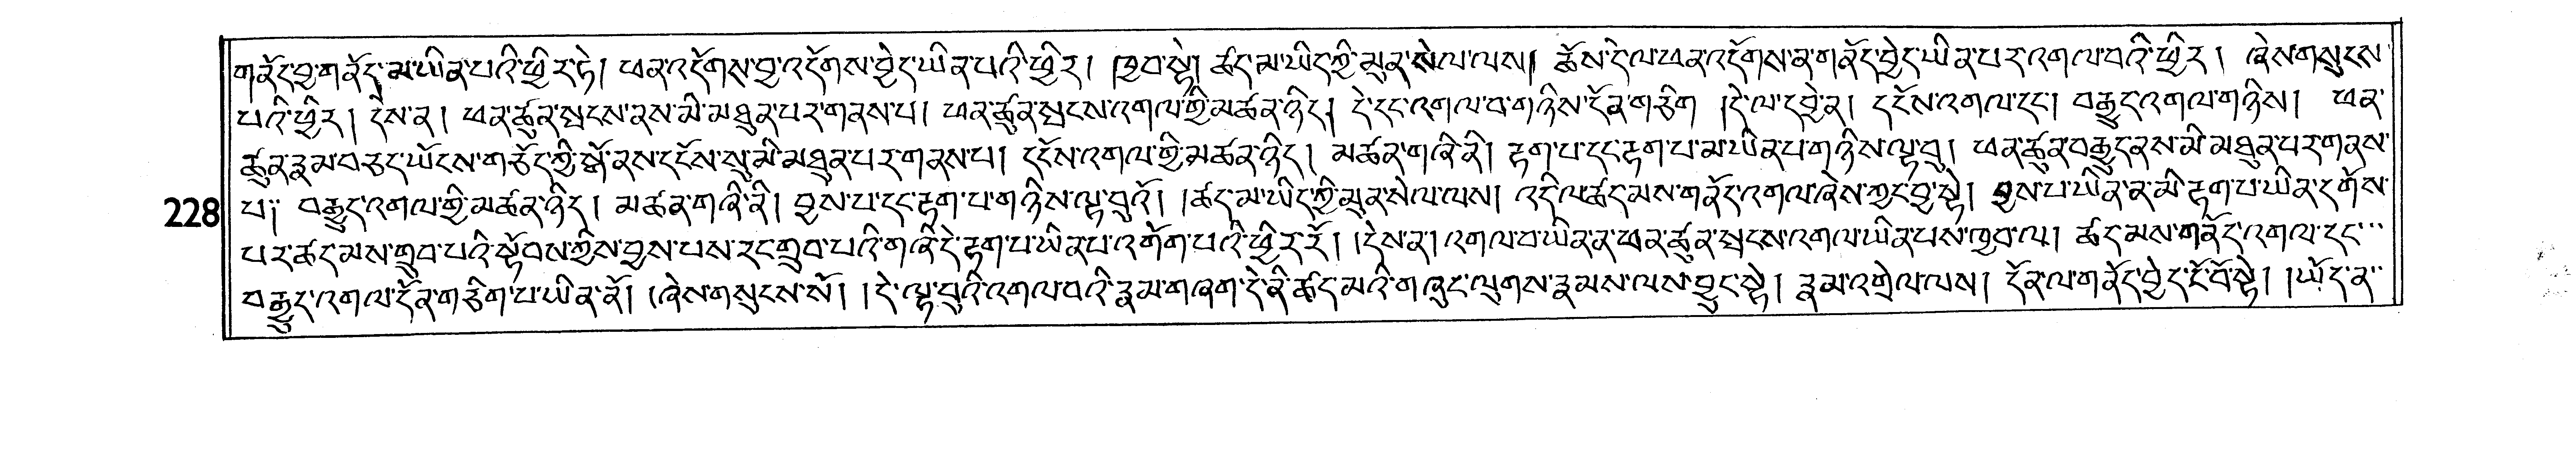གནོད་བྱ་གནོད་མ་ཡིན་པའི་ཕྱིར་ཏེ། ཕན་འདོགས་བྱ་འདོགས་བྱེད་ཡིན་པའི་ཕྱིར། ཁྱབ་སྟེ། ཚད་མ་ཡིད་ཀྱི་མུན་སེལ་ལས། ཆོས་དེ་ལ་ཕན་འདོགས་ན་གནོད་བྱེད་ཡིན་པར་འགལ་བའི་ཕྱིར། ཞེས་གསུངས་
པའི་ཕྱིར། དེས་ན། ཕན་ཚུན་སྤངས་ནས་མི་མཐུན་པར་གནས་པ། ཕན་ཚུན་སྤངས་འགལ་གྱི་མཚན་ཉིད། དེ་དང་འགལ་བ་གཉིས་དོན་གཅིག །དེ་ལ་དབྱེ་ན། དངོས་འགལ་དང་། བརྒྱུད་འགལ་གཉིས། ཕན་
ཚུན་རྣམ་བཅད་ཡོངས་གཅོད་ཀྱི་སྒོ་ནས་དངོས་སུ་མི་མཐུན་པར་གནས་པ། དངོས་འགལ་གྱི་མཚན་ཉིད། མཚན་གཞི་ནི། རྟག་པ་དང་རྟག་པ་མ་ཡིན་པ་གཉིས་ལྟ་བུ། ཕན་ཚུན་བརྒྱུད་ནས་མི་མཐུན་པར་གནས་
པ༑ བརྒྱུད་འགལ་གྱི་མཚན་ཉིད། མཚན་གཞི་ནི། བྱས་པ་དང་རྟག་པ་གཉིས་ལྟ་བུའོ། །ཚད་མ་ཡིད་ཀྱི་མུན་སེལ་ལས། འདི་ལ་ཚད་མས་གནོད་འགལ་ཞེས་ཀྱང་བྱ་སྟེ། བྱས་པ་ཡིན་ན་མི་རྟག་པ་ཡིན་དགོས་
པར་ཚད་མས་གྲུབ་པའི་སྟོབས་ཀྱིས་བྱས་པས་རང་གྲུབ་པའི་གཞི་དེ་རྟག་པ་ཡིན་པ་འགོག་པའི་ཕྱིར་རོ། །དེས་ན། འགལ་བ་ཡིན་ན་ཕན་ཚུན་སྤངས་འགལ་ཡིན་པས་ཁྱབ་ལ། ཚད་མས་གནོད་འགལ་དང་
བརྒྱུད་འགལ་དོན་གཅིག་པ་ཡིན་ནོ། །ཞེས་གསུངས་སོ། །དེ་ལྟ་བུའི་འགལ་བའི་རྣམ་གཞག་དེ་ནི་ཚད་མའི་གཞུང་ལུགས་རྣམས་ལས་བྱུང་སྟེ། རྣམ་འགྲེལ་ལས། དོན་ལ་གནོད་བྱེད་ངོ་བོ་སྟེ། །ཡོད་ན་